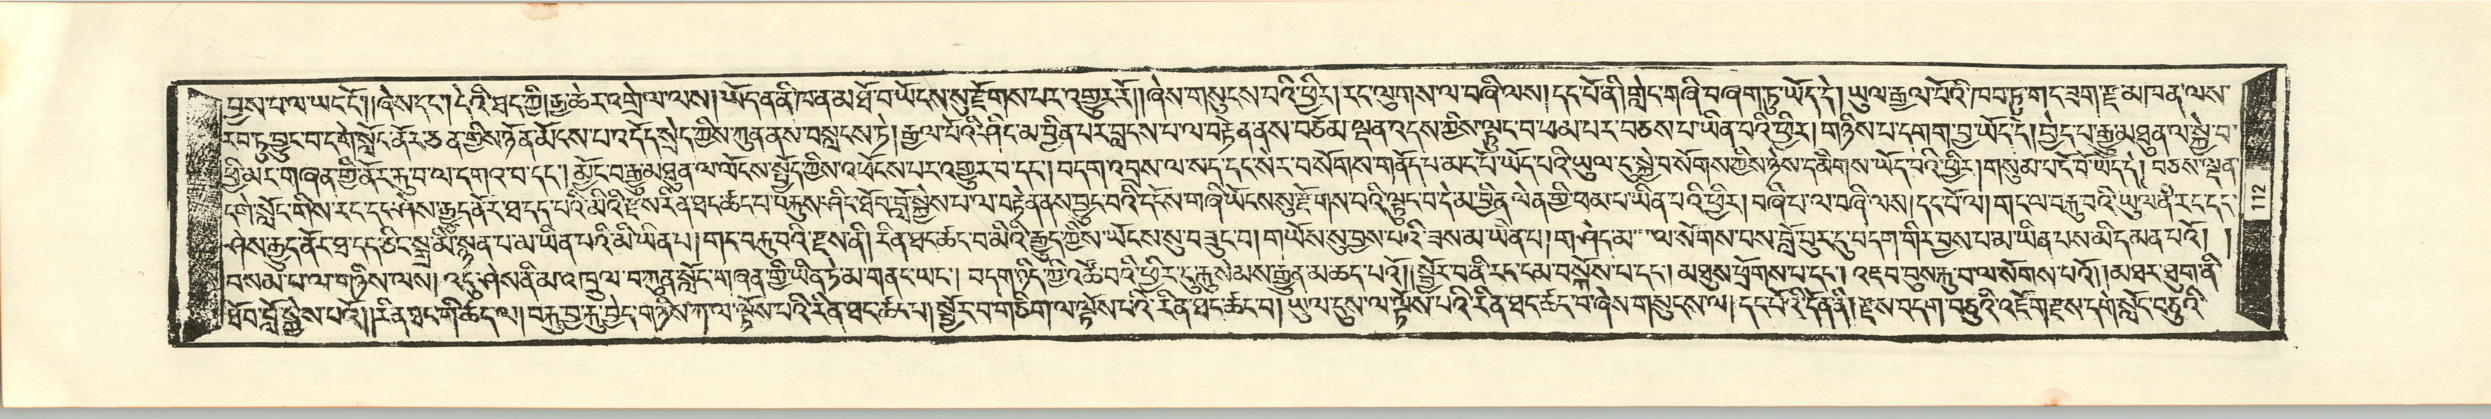བྱས་པ་ལ་ཡང་ངོ། །ཞེས་དང་། དེའི་ཐད་ཀྱི། རྒྱ་ཆེར་འགྲེལ་ལས། ཡོད་ན་ནི་ཁ་ན་མཐོ་བ་ཡོངས་སུ་རྫོགས་པར་འགྱུར་རོ། །ཞེས་གསུངས་པའི་ཕྱིར། རང་ལུགས་ལ་བཞི་ལས། དང་པོ་ནི། གླེང་གཞི་བཞག་ཏུ་ཡོད་དེ། ཡུལ་རྒྱལ་པོའི་ཁབ་ཏུ་གང་ཟག་རྫ་མཁན་ལས་
རབ་ཏུ་བྱུང་བ་དགེ་སློང་ནོར་ཅན་གྱིས་ཉོན་མོངས་པ་འདོད་སྲེད་ཀྱིས་ཀུན་ནས་བསླངས་ཏེ། རྒྱལ་པོའི་ཤིང་མ་བྱིན་པར་བླངས་པ་ལ་བརྟེན་ནས་བཅོམ་ལྡན་འདས་ཀྱིས་ལྟུང་བ་ཕམ་པར་བཅས་པ་ཡིན་པའི་ཕྱིར། གཉིས་པ་དགག་བྱ་ཡོད་དེ། བྱེད་པ་རྒྱུ་མཐུན་ལ་སྐྱེ་བ་
ཕྱི་མར་གཞན་གྱི་ནོར་རྐུ་བ་ལ་དགའ་བ་དང་། མྱོང་བ་རྒྱུ་མཐུན་ལ་ལོངས་སྤྱོད་ཀྱིས་འཕོངས་པར་འགྱུར་བ་དང་། བདག་འབྲས་ལ་སད་དང་སེར་བ་སོགས་གནོད་པ་མང་པོ་ཡོད་པའི་ཡུལ་དུ་སྐྱེ་བ་སོགས་ཀྱིས་ཉེས་དམིགས་ཡོད་པའི་ཕྱིར། གསུམ་པ་ངོ་བོ་ཡོད་དེ། བཅས་ལྡན་
དགེ་སློང་གིས་རང་དང་ཤེས་རྒྱུད་ནོར་ཐ་དད་པའི་མིའི་རྫས་རིན་ཐང་ཚང་པ་བརྐུས་ཤིང་ཐོབ་བློ་སྐྱེས་པ་ལ་བརྟེན་ནས་བྱུང་བའི་དངོས་གཞི་ཡོངས་སུ་རྫོགས་པའི་ལྟུང་བ་དེ་མ་བྱིན་ལེན་གྱི་ཕམ་པ་ཡིན་པའི་ཕྱིར། བཞི་པ་ལ་བཞི་ལས། དང་པོ་ལ། གང་ལ་བརྐུ་བའི་ཡུལ་ནི་རང་དང་
ཤེས་རྒྱུད་ནོར་ཐ་དད་ཅིང་སྒྲ་མི་སྙན་པ་མ་ཡིན་པའི་མི་ཡིན་པ། གང་བརྐུ་བའི་རྫས་ནི། རིན་ཐང་ཚང་བ་མིའི་རྒྱུད་ཀྱིས་ཡོངས་སུ་བཟུང་བ། གཡོས་སུ་བྱས་པའི་ཟས་མ་ཡིན་པ། གཤེད་མ་ལ་སོགས་པས་བློ་བུར་དུ་བདག་གིར་བྱས་པ་མ་ཡིན་པས་མི་དམན་པའོ། །
བསམ་པ་ལ་གཉིས་ལས། འདུ་ཤེས་ནི་མ་འཁྲུལ་བ་ཀུན་སློང་གཞན་གྱི་ཡིན་ཏེ་མ་གནང་ཡང་། བདག་ཉིད་ཀྱི་འཚོ་བའི་ཕྱིར་དུ་རྐུ་སེམས་རྒྱུན་མ་ཆད་པའོ། །སྦྱོར་བ་ནི་རང་དམ་བསྐོས་པ་དང་། མཐུས་ཕྲོགས་པ་དང་། འཇབ་བུས་རྐུ་བ་ལ་སོགས་པའོ། །མཐར་ཐུག་ནི་
ཐོབ་བློ་སྐྱེས་པའོ། །རིན་ཐང་གི་ཚད་ལ། བརྐུ་བྱ་རྐུ་བྱེད་གཉིས་ཀ་ལ་ལྟོས་པའི་རིན་ཐང་ཚང་པ། སྦྱོར་བ་གཅིག་ལ་ལྟོས་པའི་རིན་ཐང་ཚང་བ། ཡུལ་དུས་ལ་ལྟོས་པའི་རིན་ཐང་ཚང་བ་ཞེས་གསུངས་ལ། དང་པོའི་དོན་ནི། རྫས་བདག་བཅུའི་འཇོག་རྫས་དགེ་སློང་བཅུའི་